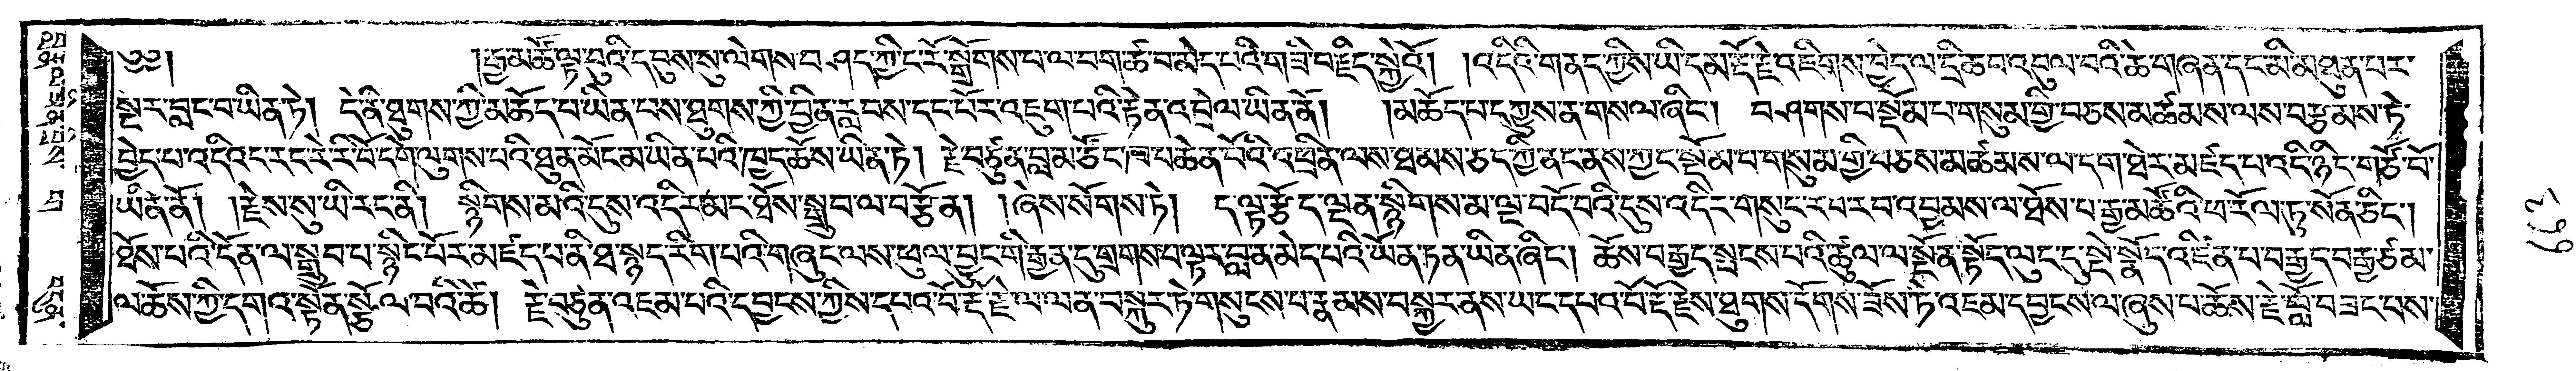༄༅། །རྒྱ་མཚོ་ལྟ་བུའི་དབུས་སུ་ལེགས་བཤད་ཀྱི་ང་རོ་སྒྲོགས་པ་ལ་བག་ཚ་བ་མེད་པའི་གཟི་བརྗིད་སྐྱེའོ། །འདིའི་གནད་ཀྱིས་ཡི་དམ་རྡོ་རྗེ་འཇིགས་བྱེད་ལ་དྲི་ཆབ་འབུལ་བའི་ཆེ་གཞན་དང་མི་མཐུན་པར་
སྔར་བླང་བ་ཡིན་ཏེ། དེ་ནི་ཐུགས་ཀྱི་མཆོད་པ་ཡིན་པས་ཐུགས་ཀྱི་བྱིན་རླབས་དང་པོར་འཇུག་པའི་རྟེན་འབྲེལ་ཡིན་ནོ། །མཆོད་པ་དཀྱུས་ན་གསལ་ཞིང་། བཤགས་པ་སྔོམ་པ་གསུམ་གྱི་བཅས་མཚམས་ལས་བརྩམས་ཏེ་
བྱེད་པ་འདིའང་རང་རེ་རི་བོ་དགེ་ལུགས་པའི་ཐུན་མོང་མ་ཡིན་པའི་ཁྱད་ཆོས་ཡིན་ཏེ། རྗེ་བཙུན་བླ་མ་ཙོང་ཁ་པ་ཆེན་པོའི་འཕྲིན་ལས་ཐམས་ཅད་ཀྱི་ནང་ནས་ཀྱང་སྡོམ་པ་གསུམ་གྱི་བཅས་མཚམས་ལ་དག་ཐེར་མཛད་པ་འདི་ཉིད་གཙོ་བོ་
ཡིན་ནོ། །རྗེས་སུ་ཡི་རང་ནི། སྙིགས་མའི་དུས་འདིར་མང་ཐོས་སྒྲུབ་ལ་བརྩོན། །ཞེས་སོགས་ཏེ། ད་ལྟ་རྩོད་ལྡན་སྙིགས་མ་ལྔ་བོད་བའི་དུས་འདིར་གསུང་རབ་རབ་འབྱམས་ལ་ཐོས་པ་རྒྱ་མཚོའི་ཕ་རོལ་ཏུ་སོན་ཅིང་
ཐོས་པའི་དོན་ལ་སྒྲུབ་པ་སྙིང་པོར་མཛད་པ་ནི་ཐ་སྙད་རིག་པའི་གཞུང་ལས་ཕུལ་བྱུང་གི་རྒྱན་དུ་གྲགས་པ་ལྟར་བླན་མེད་པའི་ཡོན་ཏན་ཡིན་ཞིང་། ཆོས་བརྒྱད་སྤངས་པའི་ཚུལ་ལ་སྔོན་སྟོང་ལུང་དུ་སྡེ་སྣོད་འཛིན་པ་བརྒྱད་དང་རྒྱ་ཅེར་
ལ་ཆོས་ཀྱི་དགའ་སྟོན་སྩོལ་བའི་ཚེ། རྗེ་བཙུན་འཇམ་པའི་དབྱངས་ཀྱིས་དཔའ་བོ་རྡོ་རྗེ་ལ་ལན་བསྐུར་ཏེ་གསུངས་པ་རྣམས་བསྐྱར་ནས་ཡང་དཔའ་བོ་རྡོ་རྗེས་ཐུགས་དོགས་ཟོས་ཏེ་འཇམ་དབྱངས་ལ་ཞུས་པ་ཆོས་རྗེ་བློ་བཟང་བས་